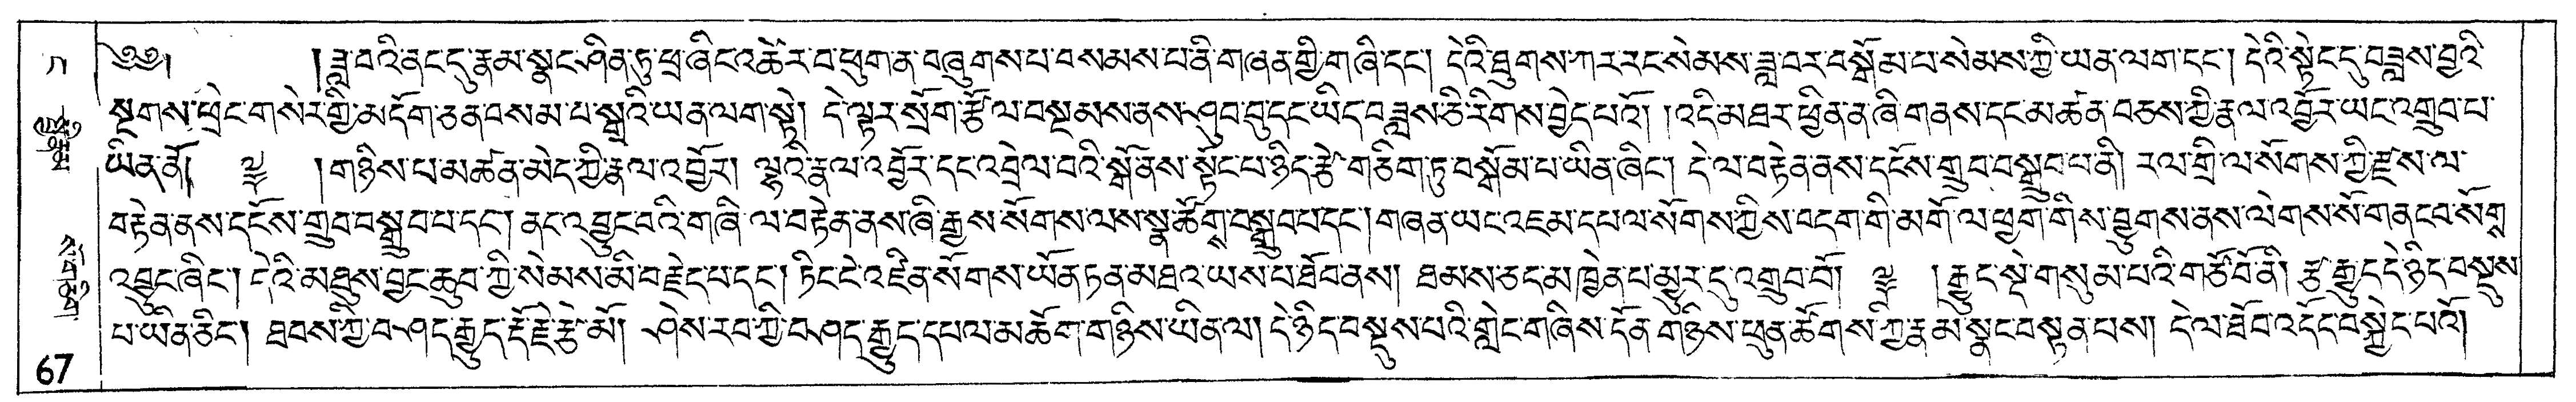༄༅། །ཟླ་བའི་ནང་དུ་རྣམ་སྣང་ཤིན་ཏུ་ཕྲ་ཞིང་འཚེར་བ་ཕུག་ན་བཞུགས་པ་བསམས་པ་ནི་གཞན་གྱི་གཞི་དང་། དེའི་ཐུགས་ཀར་རང་སེམས་ཟླ་བར་བསྒོམ་པ་སེམས་ཀྱི་ཡན་ལག་དང་། དེའི་སྟེང་དུ་བཟླས་བྱའི་
སྔགས་ཕྲེང་གསེར་གྱི་མདོག་ཅན་བསམ་པ་སྒྲའི་ཡན་ལག་སྟེ། དེ་ལྟར་སྲོག་རྩོལ་བསྔམས་ནས་ཤུབ་བུ་དང་ཡིད་བཟླས་ཅི་རིགས་བྱེད་པའོ། །འདི་མཐར་ཕྱིན་ན་ཞི་གནས་དང་མཚན་བཅས་ཀྱི་རྣལ་འབྱོར་ཡང་འགྲུབ་པ་
ཡིན་ནོ། ༈ །གཉིས་པ་མཚན་མེད་ཀྱི་རྣལ་འབྱོར། ལྷའི་རྣལ་འབྱོར་དང་འབྲེལ་བའི་སྒོ་ནས་སྟོང་པ་ཉིད་རྩེ་གཅིག་ཏུ་བསྒོམ་པ་ཡིན་ཞིང་། དེ་ལ་བརྟེན་ནས་དངོས་གྲུབ་བསྒྲུབ་པ་ནི། རལ་གྲི་ལ་སོགས་ཀྱི་རྫས་ལ་
བརྟེན་ནས་དངོས་གྲུབ་བསྒྲུབ་པ་དང་། ནང་འབྱུང་བའི་གཞི་ལ་བརྟེན་ནས་ཞི་རྒྱས་སོགས་ལས་སྣ་ཚོགས་བསྒྲུབ་པ་དང་། གཞན་ཡང་འཇམ་དཔལ་སོགས་ཀྱིས་བདག་གི་མགོ་ལ་ཕྱག་གིས་བྱུགས་ནས་ལེགས་སོ་གནང་བ་སོགས་
འབྱུང་ཞིང་། དེའི་མཐུས་བྱང་ཆུབ་ཀྱི་སེམས་མི་བརྗེད་པ་དང་། ཏིང་ངེ་འཛིན་སོགས་ཡོན་ཏན་མཐའ་ཡས་པ་ཐོབ་ནས། ཐམས་ཅད་མཁྱེན་པ་མྱུར་དུ་འགྲུབ་བོ། ༈ །རྒྱུད་སྡེ་གསུམ་པའི་གཙོ་བོ་ནི། རྩ་རྒྱུད་དེ་ཉིད་བསྡུས་
པ་ཡིན་ཅིང་། ཐབས་ཀྱི་བཤད་རྒྱུད་རྡོ་རྗེ་རྩེ་མོ། ཤེས་རབ་ཀྱི་བཤད་རྒྱུད་དཔལ་མཆོག་གཉིས་ཡིན་ལ། དེ་ཉིད་བསྡུས་པའི་གླེང་གཞིས་དོན་གཉིས་ཕུན་ཚོགས་ཀྱི་རྣམ་སྣང་བསྟན་པས། དེ་ལ་ཐོབ་འདོད་བསྐྱེད་པའོ།